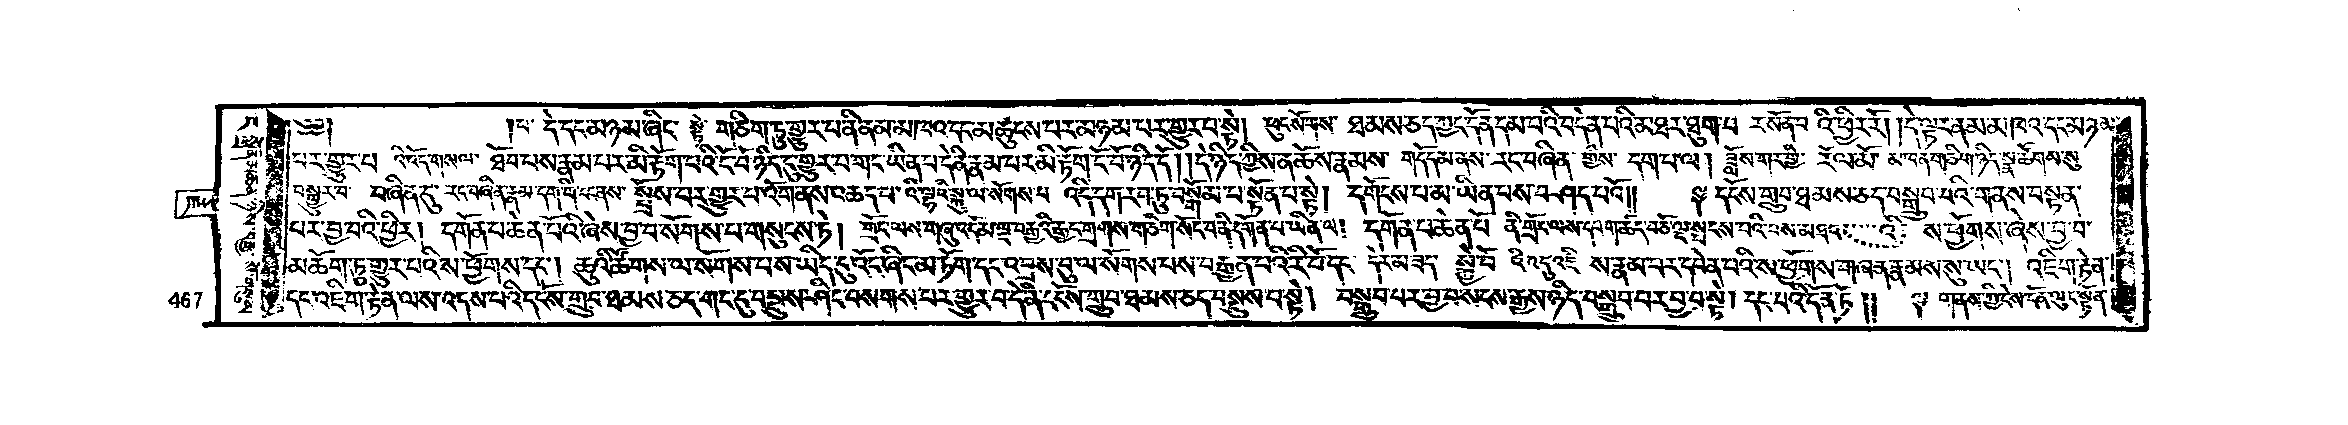༄༅། ། པ་དེ་དང་མཉམ་ཞིང་སྟེ་གཅིག་ཏུ་གྱུར་པ་ནི་ནམ་མཁའ་དང་མཚུངས་པར་མཉམ་པར་གྱུར་པ་སྟེ། ཕུང་སོགས་ཐམས་ཅད་ཀྱང་དོན་དམ་པའི་བདེན་པའི་མཐར་ཐུག་པར་སོན་པའི་ཕྱིར་རོ། །དེ་ལྟར་ནམ་མཁའ་དང་མཉམ་
པར་གྱུར་པའི་འོད་གསལ་ཐོབ་པས་རྣམ་པར་མི་རྟོག་པའི་ངོ་བོ་ཉིད་དུ་གྱུར་པ་གང་ཡིན་པ་དེ་ནི་རྣམ་པར་མི་རྟོག་ངོ་བོ་ཉིད་དོ། །དེ་ཉིད་ཀྱིས་ན་ཆོས་རྣམས་གདོད་མ་ནས་རང་བཞིན་གྱིས་དག་པ་ལ། ཟློས་གར་གྱི་རོལ་མོ་མཁན་གཅིག་ཉིད་སྣ་ཚོགས་སུ་
བསྒྱུར་བ་བཞིན་དུ་རང་བཞིན་རྣམ་དག་གི་ངང་ནས་སྤྲོས་པར་གྱུར་པ་འོག་ནས་འཆད་པའི་ལྷའི་སྐུ་ལ་སོགས་པ་འདི་དག་རབ་ཏུ་བསྒོམ་པ་སྟོན་པ་སྟེ། དགོངས་པ་མ་ཡིན་པས་བཤད་པའོ།། ༈ དངོས་གྲུབ་ཐམས་ཅད་བསྒྲུབ་པའི་གནས་བསྟན་
པར་བྱ་བའི་ཕྱིར། དགོན་པ་ཆེན་པོའི་ཞེས་བྱ་བ་སོགས་པ་གསུངས་ཏེ། གྲོང་ལས་གཞུ་འདོམ་ལྔ་བརྒྱའི་རྒྱ་བགྲགས་གཅིག་སོང་བ་ནི་དགོན་པ་ཡིན་ལ།  དགོན་པ་ཆེན་པོ་ནི་གྲོང་ལས་དཔག་ཚད་བཅོ་ལྔ་སྤངས་པའི་པས་མཐའ་འི་ས་ཕྱོགས་ཞེས་བྱ་བ་
མཆོག་ཏུ་གྱུར་པའི་ས་ཕྱོགས་དང་། ཆུའི་ཚོགས་ལ་སོགས་པས་ཡིད་དུ་འོང་ཞིང་མེ་ཏོག་དང་འབྲས་བུ་ལ་སོགས་པས་བརྒྱན་པའི་རི་བོ་དང་དེར་མ་ཟད་སྐྱེ་བོའི་འདུ་འཛིས་རྣམ་པར་དབེན་པའི་ས་ཕྱོགས་གཞན་རྣམས་སུ་ཡང་། འཇིག་རྟེན་
དང་འཇིག་རྟེན་ལས་འདས་པའི་དངོས་གྲུབ་ཐམས་ཅད་གང་དུ་བསྡུས་ཤིང་བསགས་པར་གྱུར་པ་དེ་ནི་དངོས་གྲུབ་ཐམས་ཅད་བསྡུས་པ་སྟེ། བསྒྲུབ་པར་བྱ་བ་སངས་རྒྱས་ཉིད་བསྒྲུབ་པར་བྱ་བ་སྟེ། དྲང་?་བའི་དོན་ཏོ།། ༈ གནས་ཀྱི་ངེས་དོན་ལུང་སྟོན་